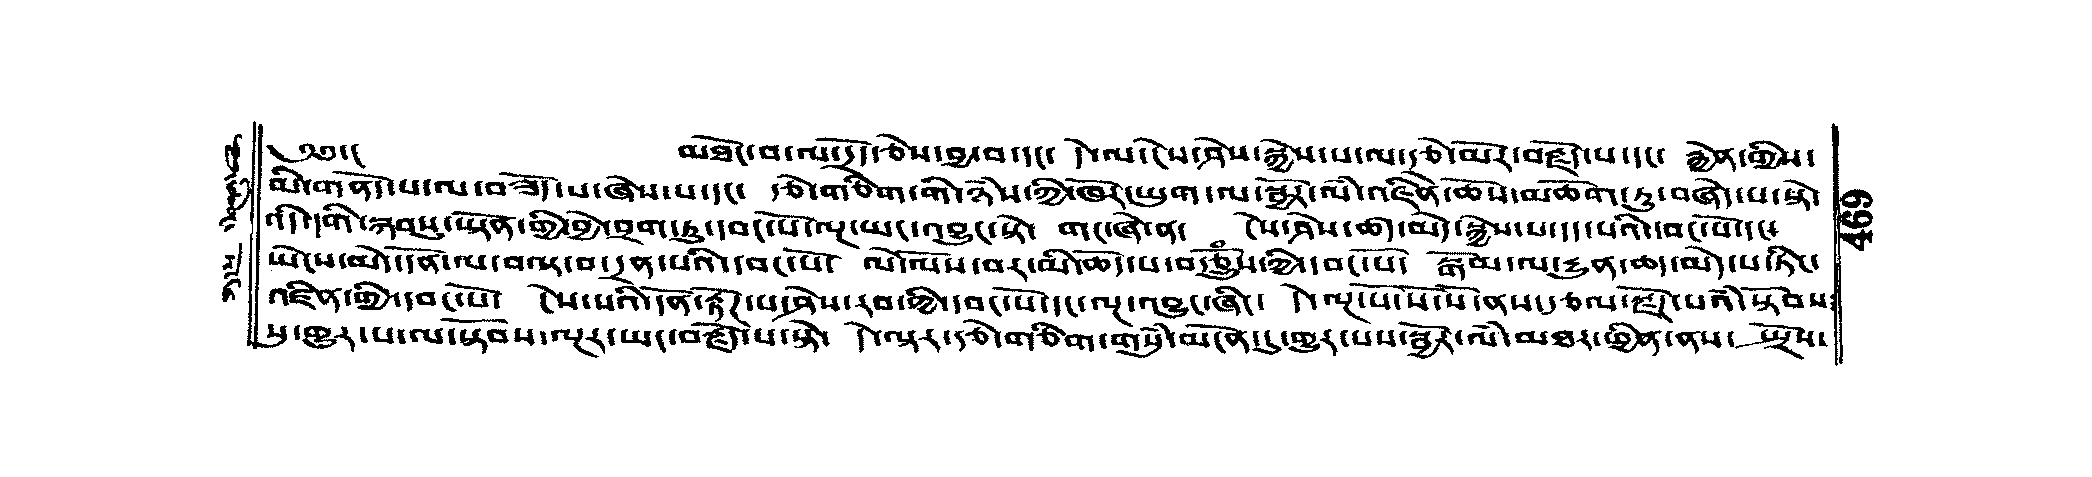མཐོང་བ་ལ་དྲོད་ཅེས་བྱ་བ་དང་། དེ་ལ་ངེས་ཤེས་སྐྱེས་པ་ལ་རྩེ་མོར་བརྗོད་པ་དང་། རྐྱེན་གྱིས་
མི་གནོད་པ་ལ་བཟོད་པ་ཞེས་པ་དང་། རྩེ་གཅིག་གི་ཉམས་ཀྱི་ཁོར་ཡུག་ལ་སྦྱོར་ལམ་འཇིག་རྟེན་ཆོས་མཆོག་ཏུ་བཞེད་པ་སྟེ། 
འདི་དག་གི་སྐབས་སུ་ཡོན་ཏན་གྱི་བྱེ་བྲག་ཏུ་དབང་པོ་ལྔ་ཡང་འབྱུང་སྟེ། གང་ཞེ་ན། ངེས་ཤེས་ཚད་མེད་སྐྱེས་པ་དད་པའི་དབང་པོ་དང་། 
ཡེངས་མེད་དོན་ལ་བལྟ་བ་དྲན་པའི་དབང་པོ། ལེ་ལོས་བར་མི་ཆོད་པ་བརྩོན་གྲུས་ཀྱི་དབང་པོ། སྒོམ་ལ་རྒྱུན་ཆད་མེད་པ་ཏིང་
འཛིན་གྱི་དབང་པོ། ངེས་པའི་དོན་རྟོགས་པ་ཤེས་རབ་ཀྱི་དབང་པོ་ལྔ་འབྱུང་ཞིང་། དེ་ལྔ་པོ་སོ་སོ་ནས་རྩལ་རྫོགས་པའམ་སྟོབས་
སུ་གྱུར་པ་ལ་སྟོབས་ལྔར་ཡང་བརྗོད་པ་སྟེ། དེ་ལྟར་རྩེ་གཅིག་གསུམ་མངོན་དུ་གྱུར་པས་སྦྱོར་ལམ་མཐར་ཕྱིན་ནས།སྤྲོས་